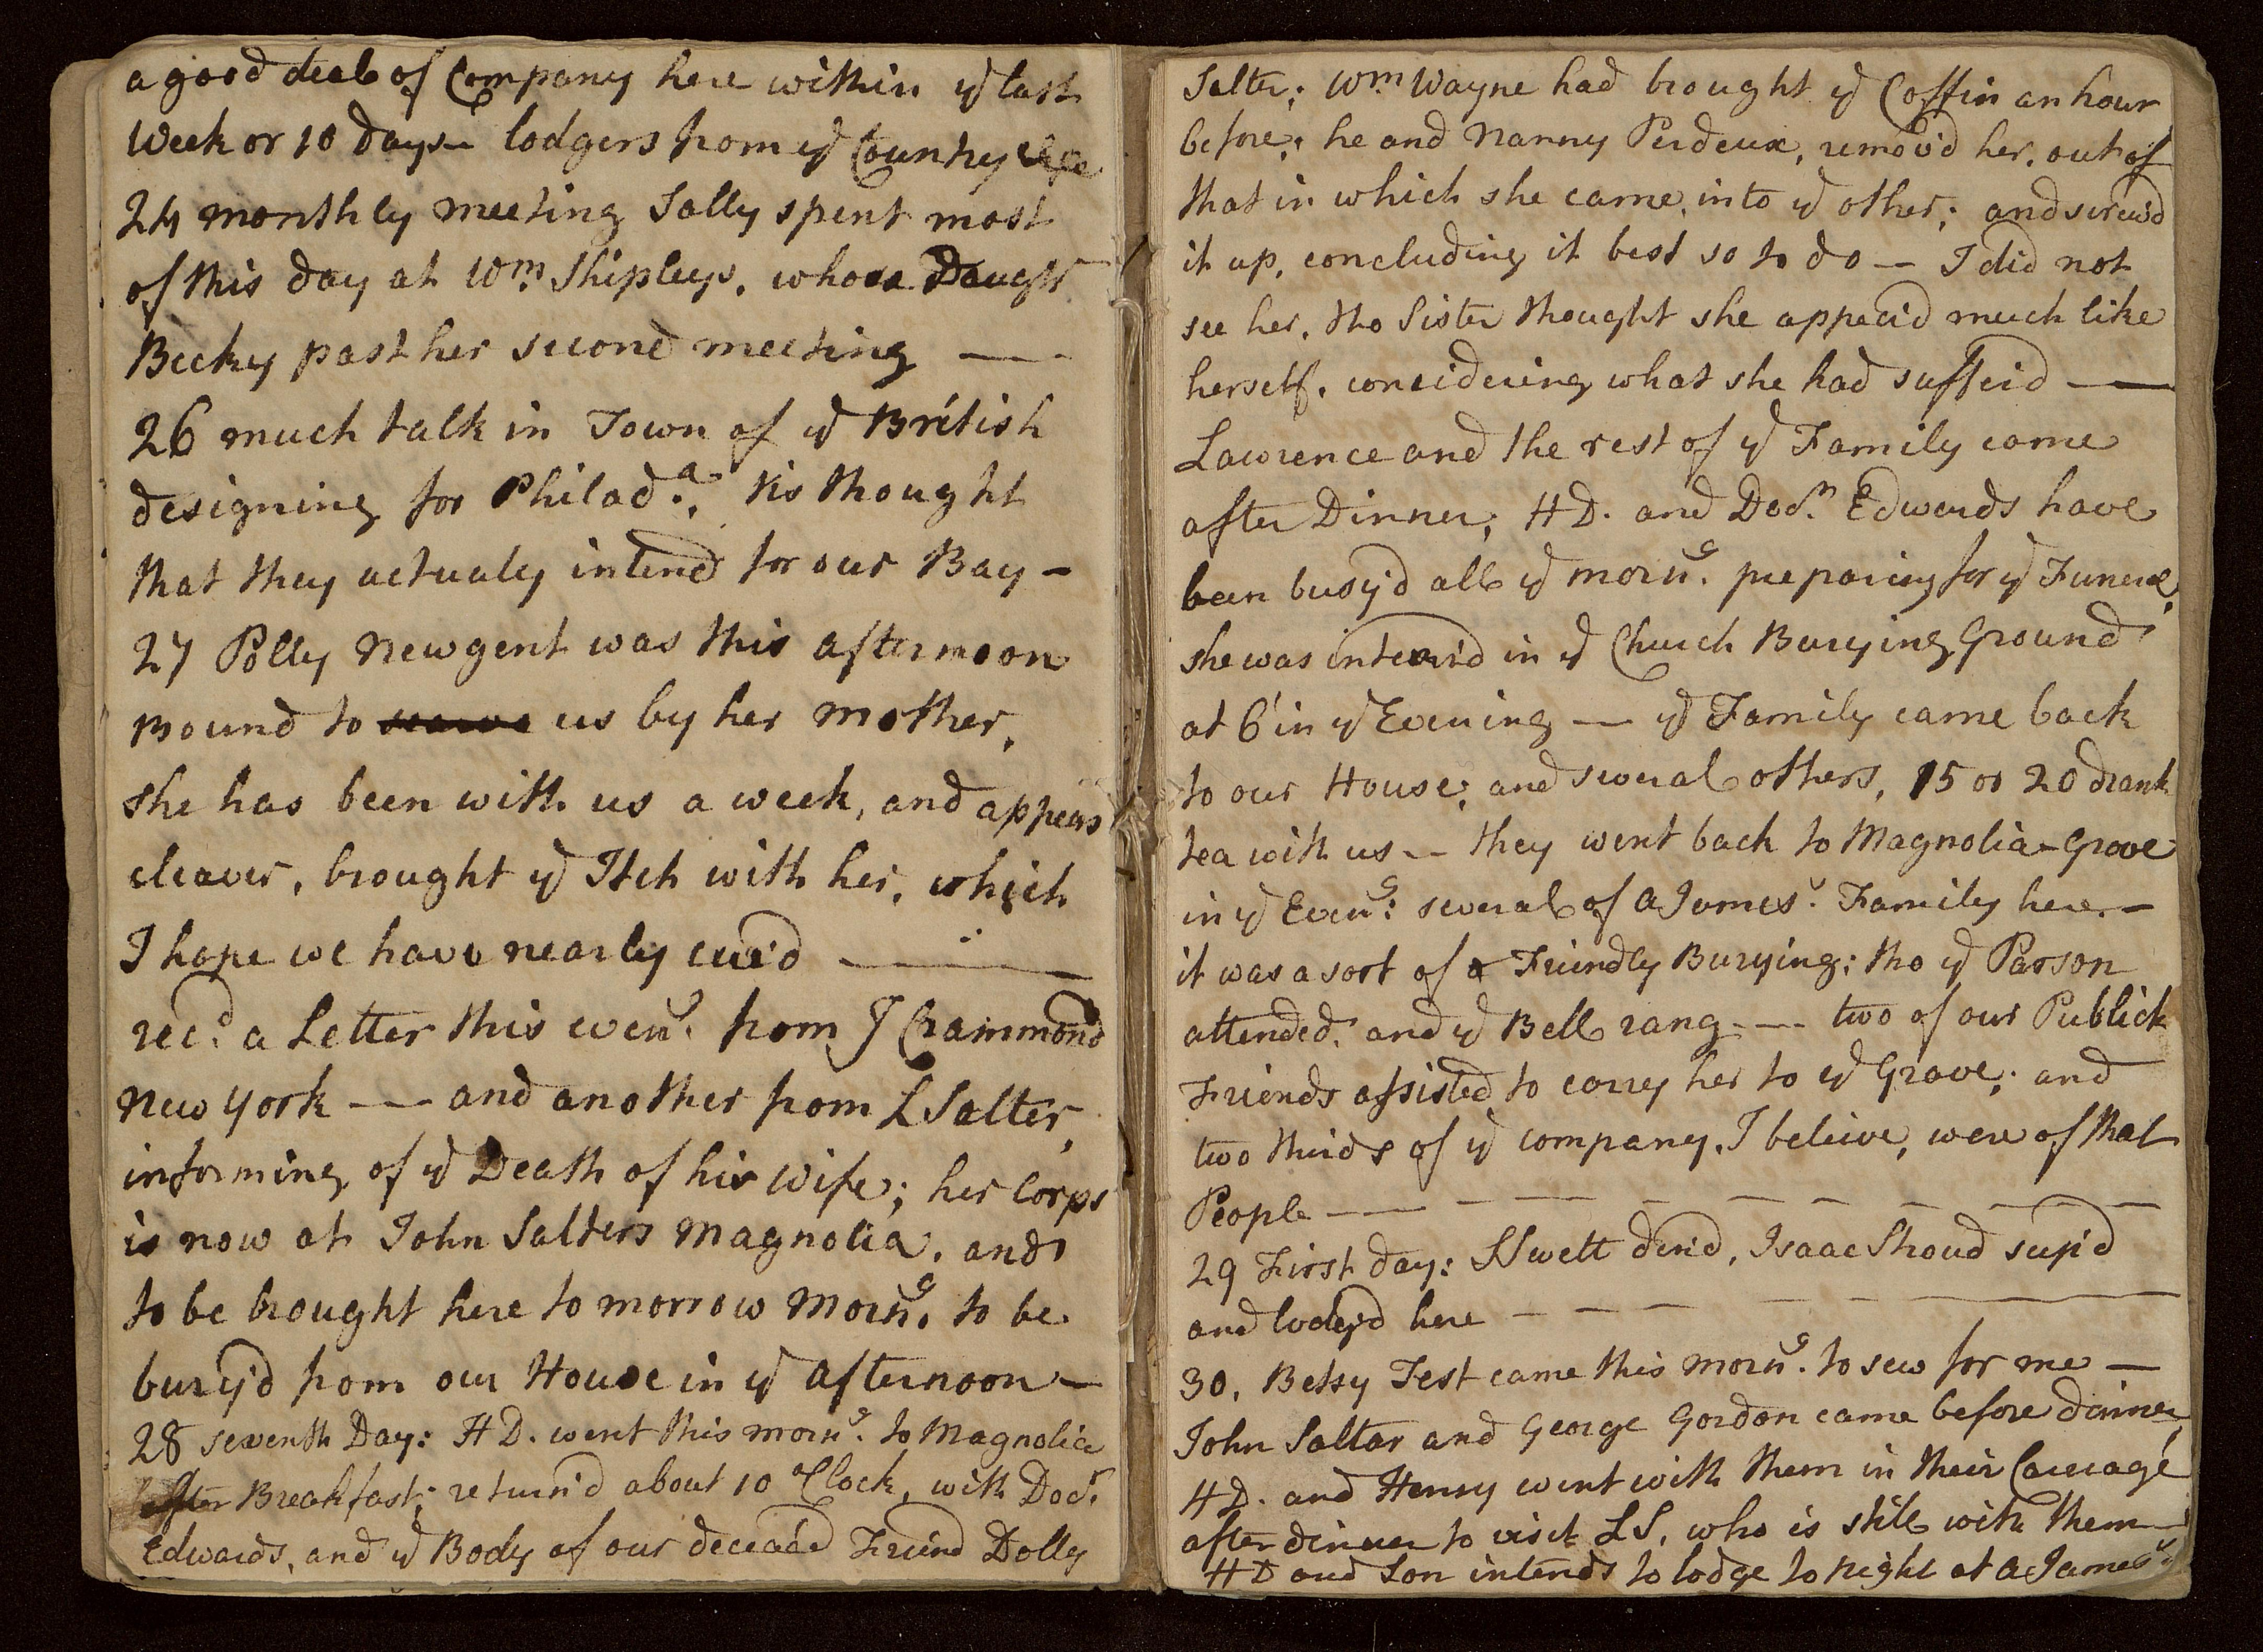a good deal of Company here within y^e last
Week or 10 days- lodgers from y^e Country &ce
24 monthly meeting Sally spent most
of this day at W^m. Shipleys, whose Daugh^r
Becky past her second meeting-
26 much talk in Town of y^e British
designing for Philad^a. tis thought
that they actualy intend for our Bay-
27 Polly Newgent was this afternoon
Bound to [searve] us by her mother,
she has been with us a week, and appears
cleaver, brought y^e Stek with her, which
I hope we have nearly cur'd--
rec^d. a Letter this even^g from J Crammond
New York- and another from L Salter,
informing of y^e Death of his wife; her corps
is now at John Salters Magnolia, and
to be brought here to morrow morn^g. to be
bury'd from our House in y^e afternoon-
28 seventh Day: H D: went this morn^g. To Magnolica
after Breakfast; return'd about 10 ^o Clock, with Doc^r,
Edwards, and y^e Body of our deceas'd Friend Dolly
Salter; W^m. Wayne had brought y^e Coffin an hour
before, he and Nanny Perdeux, remov'd her, out of
that in which she came, into y^e other, and screw'd
it up, concluding it best so to do- I did not
see her, tho Sister thought she appea'd much like
herself, considering what she had suffer'd-
Lawrence and the rest of y^e Family come
after Dinner, HD and Dec^r. Edwards have
been busy'd all y^e morn^g. preparing for y^e Funeral
she was interr'd in y^e Church Burying Ground
at 6 in y^e Evening- y^e Family came back
to our House and several others, 15 or 20 drank
tea with us- they went back to Magnolia-Grove
in y^e Even^g: several of a James^s Family here.-
it was a sort of a Friendly Burying: tho y^e Parson
attended and y^e Bell rang-- two of our Publick
Friends assisted to coney her to y^e Grave and
two thirds of y^e company, I believe were of that
People.-
29 First day. S Swett dind, Isaac Shoud sup'd
and lodg'd here-
30 Betsy Test came this morn^g. to sew for me-
John Saltar and George Gordon came before dinner,
HD and Henry went with them in their Carriage
after dinner visit LS. who is still with them-
HD and son intends to lodge tonight at A James^s.